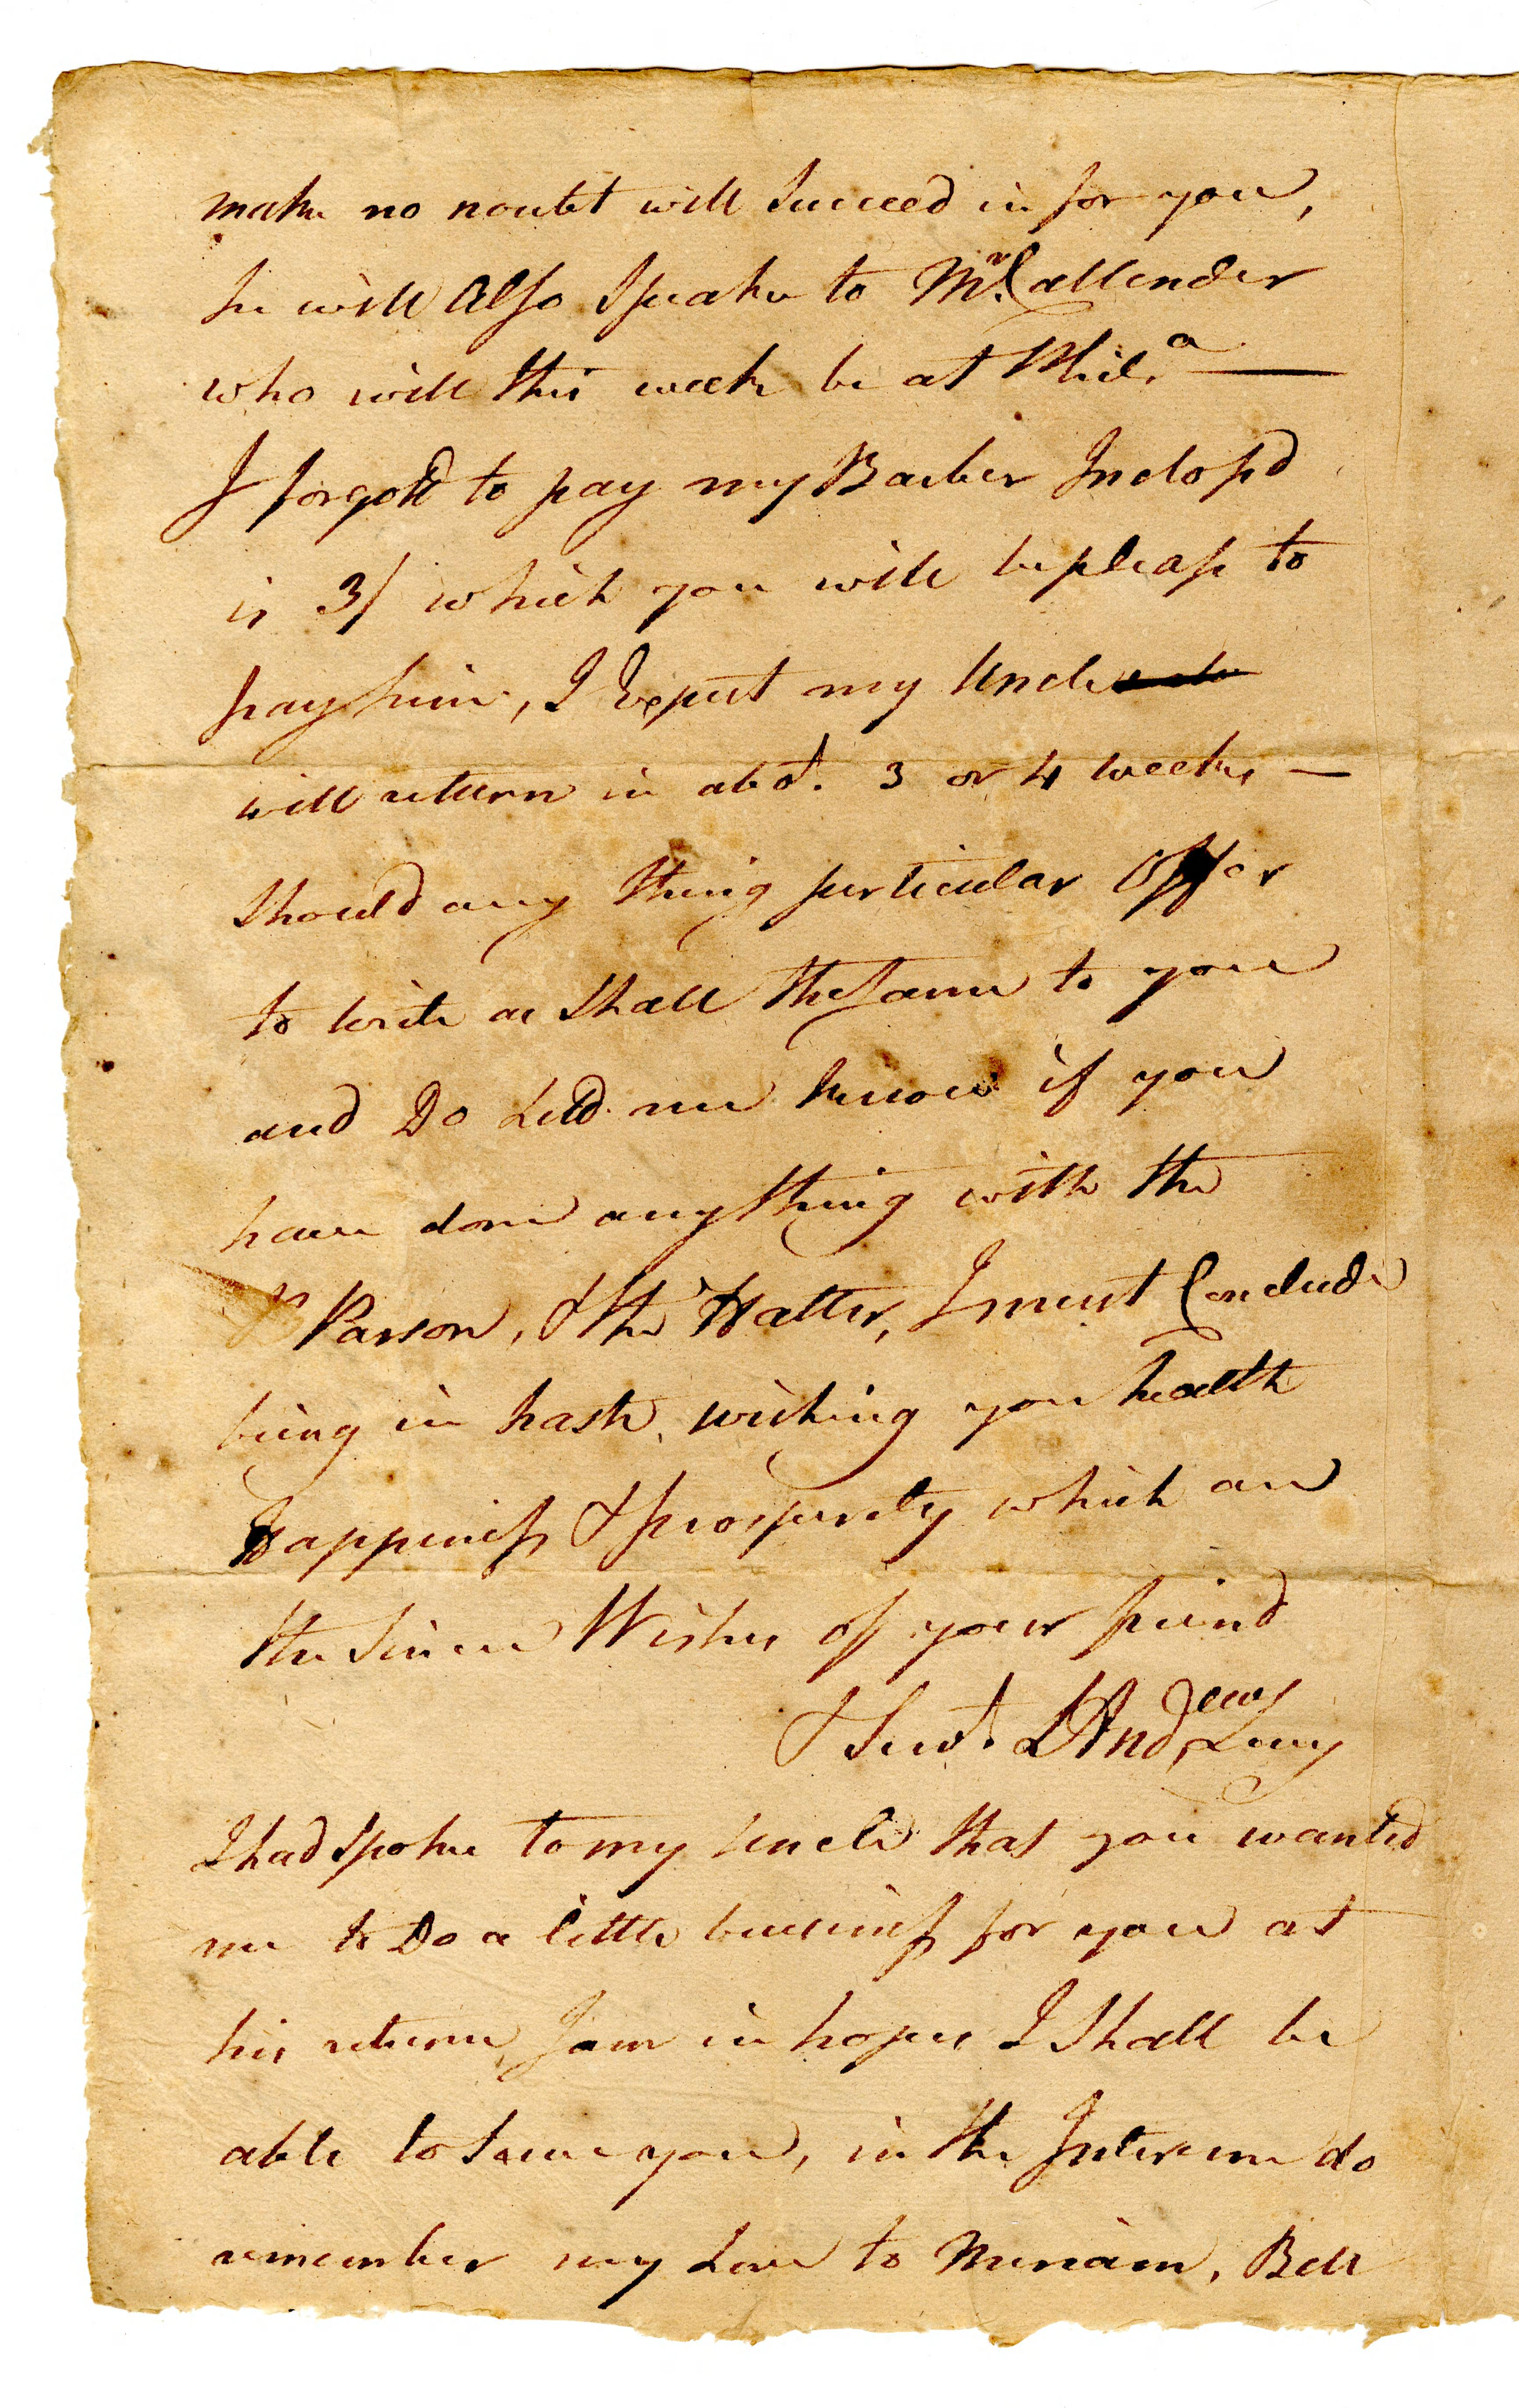make no noubt will succeed in for you,
he will Also Speake to M^r. Callender
who well this week be at Phil^a.-
& forgot to pay my barber Inclosd
is 3s which you will be please to
pay him, I Expect my Uncle [____]
will return in abo^t. 3 or 4 weeks-
should any thing particular offer
to write as shall the same to you
and Do Lett me know if you
have done anything with the
Parson, & the Watter, I must Conclude
breing in haste, writing you health
happiness & prosperety which are
the sincere Wishes of your friend
& Serv^t. And^rew Levy
I had spoke to my Seneh that you wanted
me to do a little buisiness for you at
his return, I am in hopes I shall be
able to serve you, in the Interim do
remember my Love to Miriam, Bell